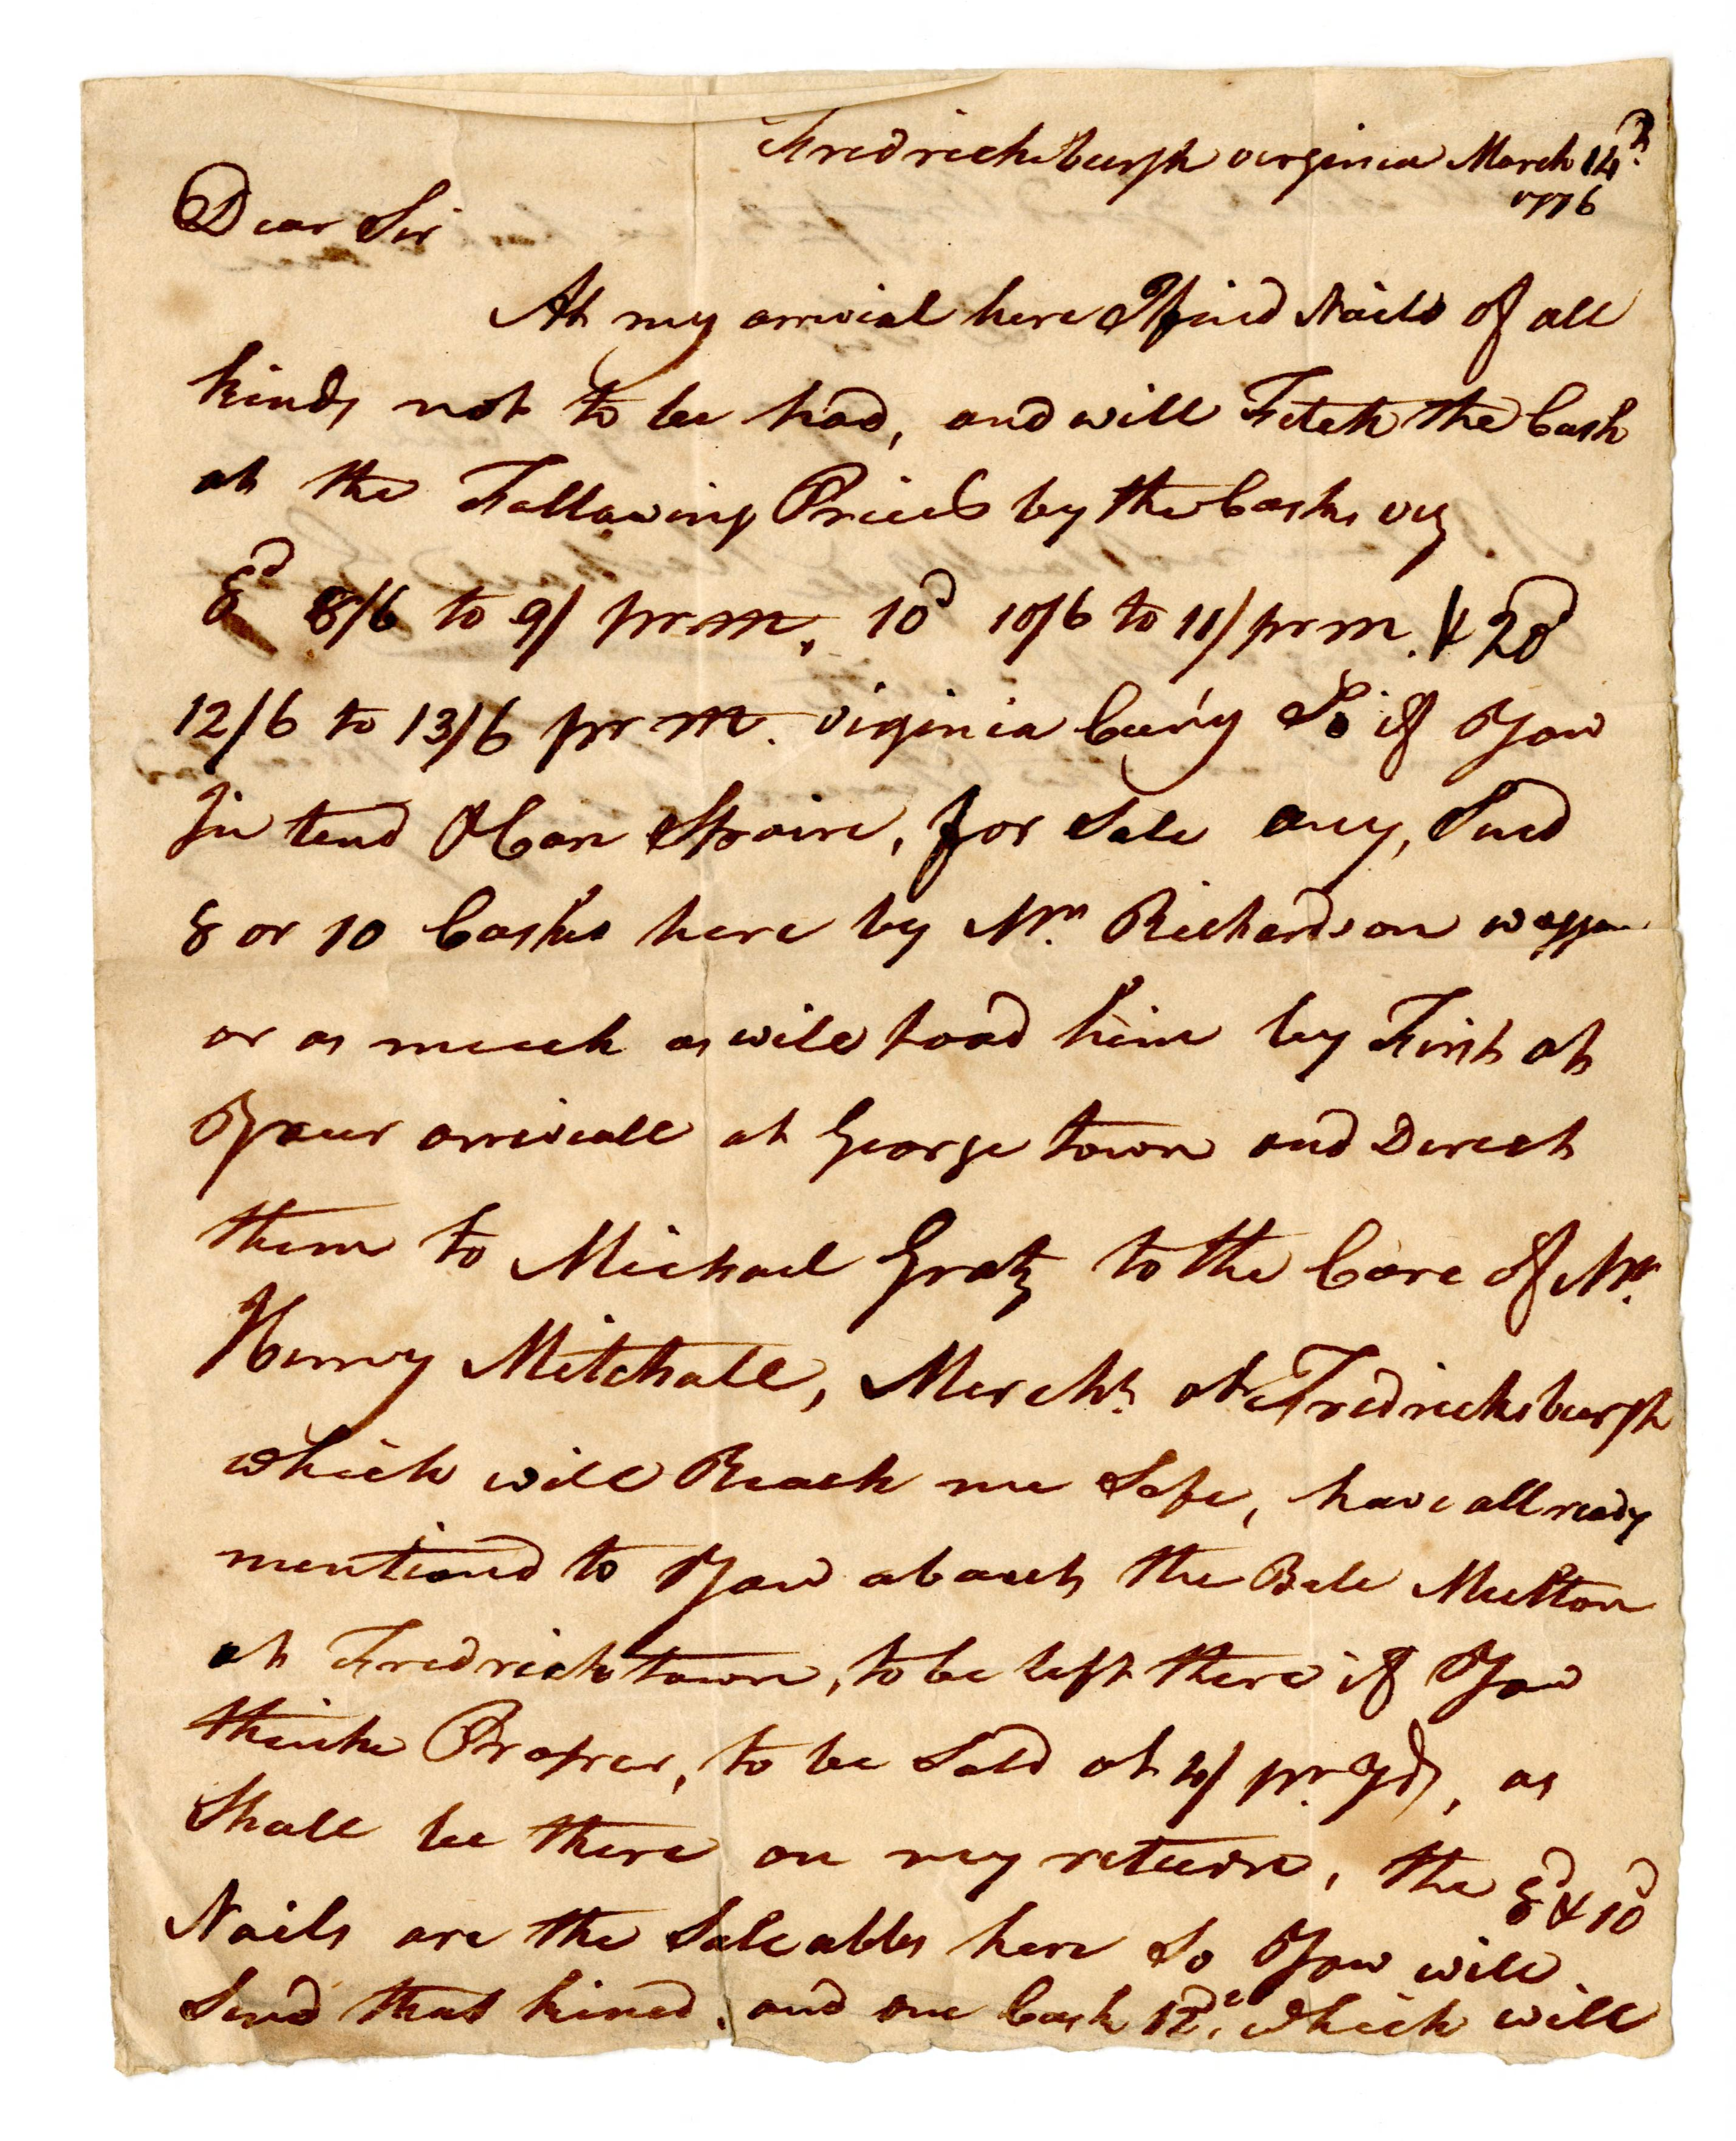Fredericksburgh virginia March 14^th.
1776
Dear Sir
At my arrival here I find Nails of all
kind not to be had, and will Fetch the cash
at the Fallowing Prices by the Cash viz
8^d 8s6 to 9s pr m. 10^d 10s6 to 10s pr m. & 20^d
12s6 to 13s6 pr m. Virginia Cur'y so if you
In tend & Can Share, for Sale any, Surd
8 or 10 Cashs here by M^r. Richardson Wagge
or as much as will Load him by First of
your arrival at Georgetown and Direct
them to Michael Gratz, to the Care of M^r.
Henry Mitchell, Merch^t at Fredericksburgh
which will Reach me Safe, have allready
mentioned to you about the Bell Mutton
at Fredrickstown, to be left there if you
thinke Proper, to be sold of 4s per y^d, as
shall be there on my return, the
8^d & 10^d
Nails are the Saleables here So you will
find that hired and one cash, 17^e Thick will